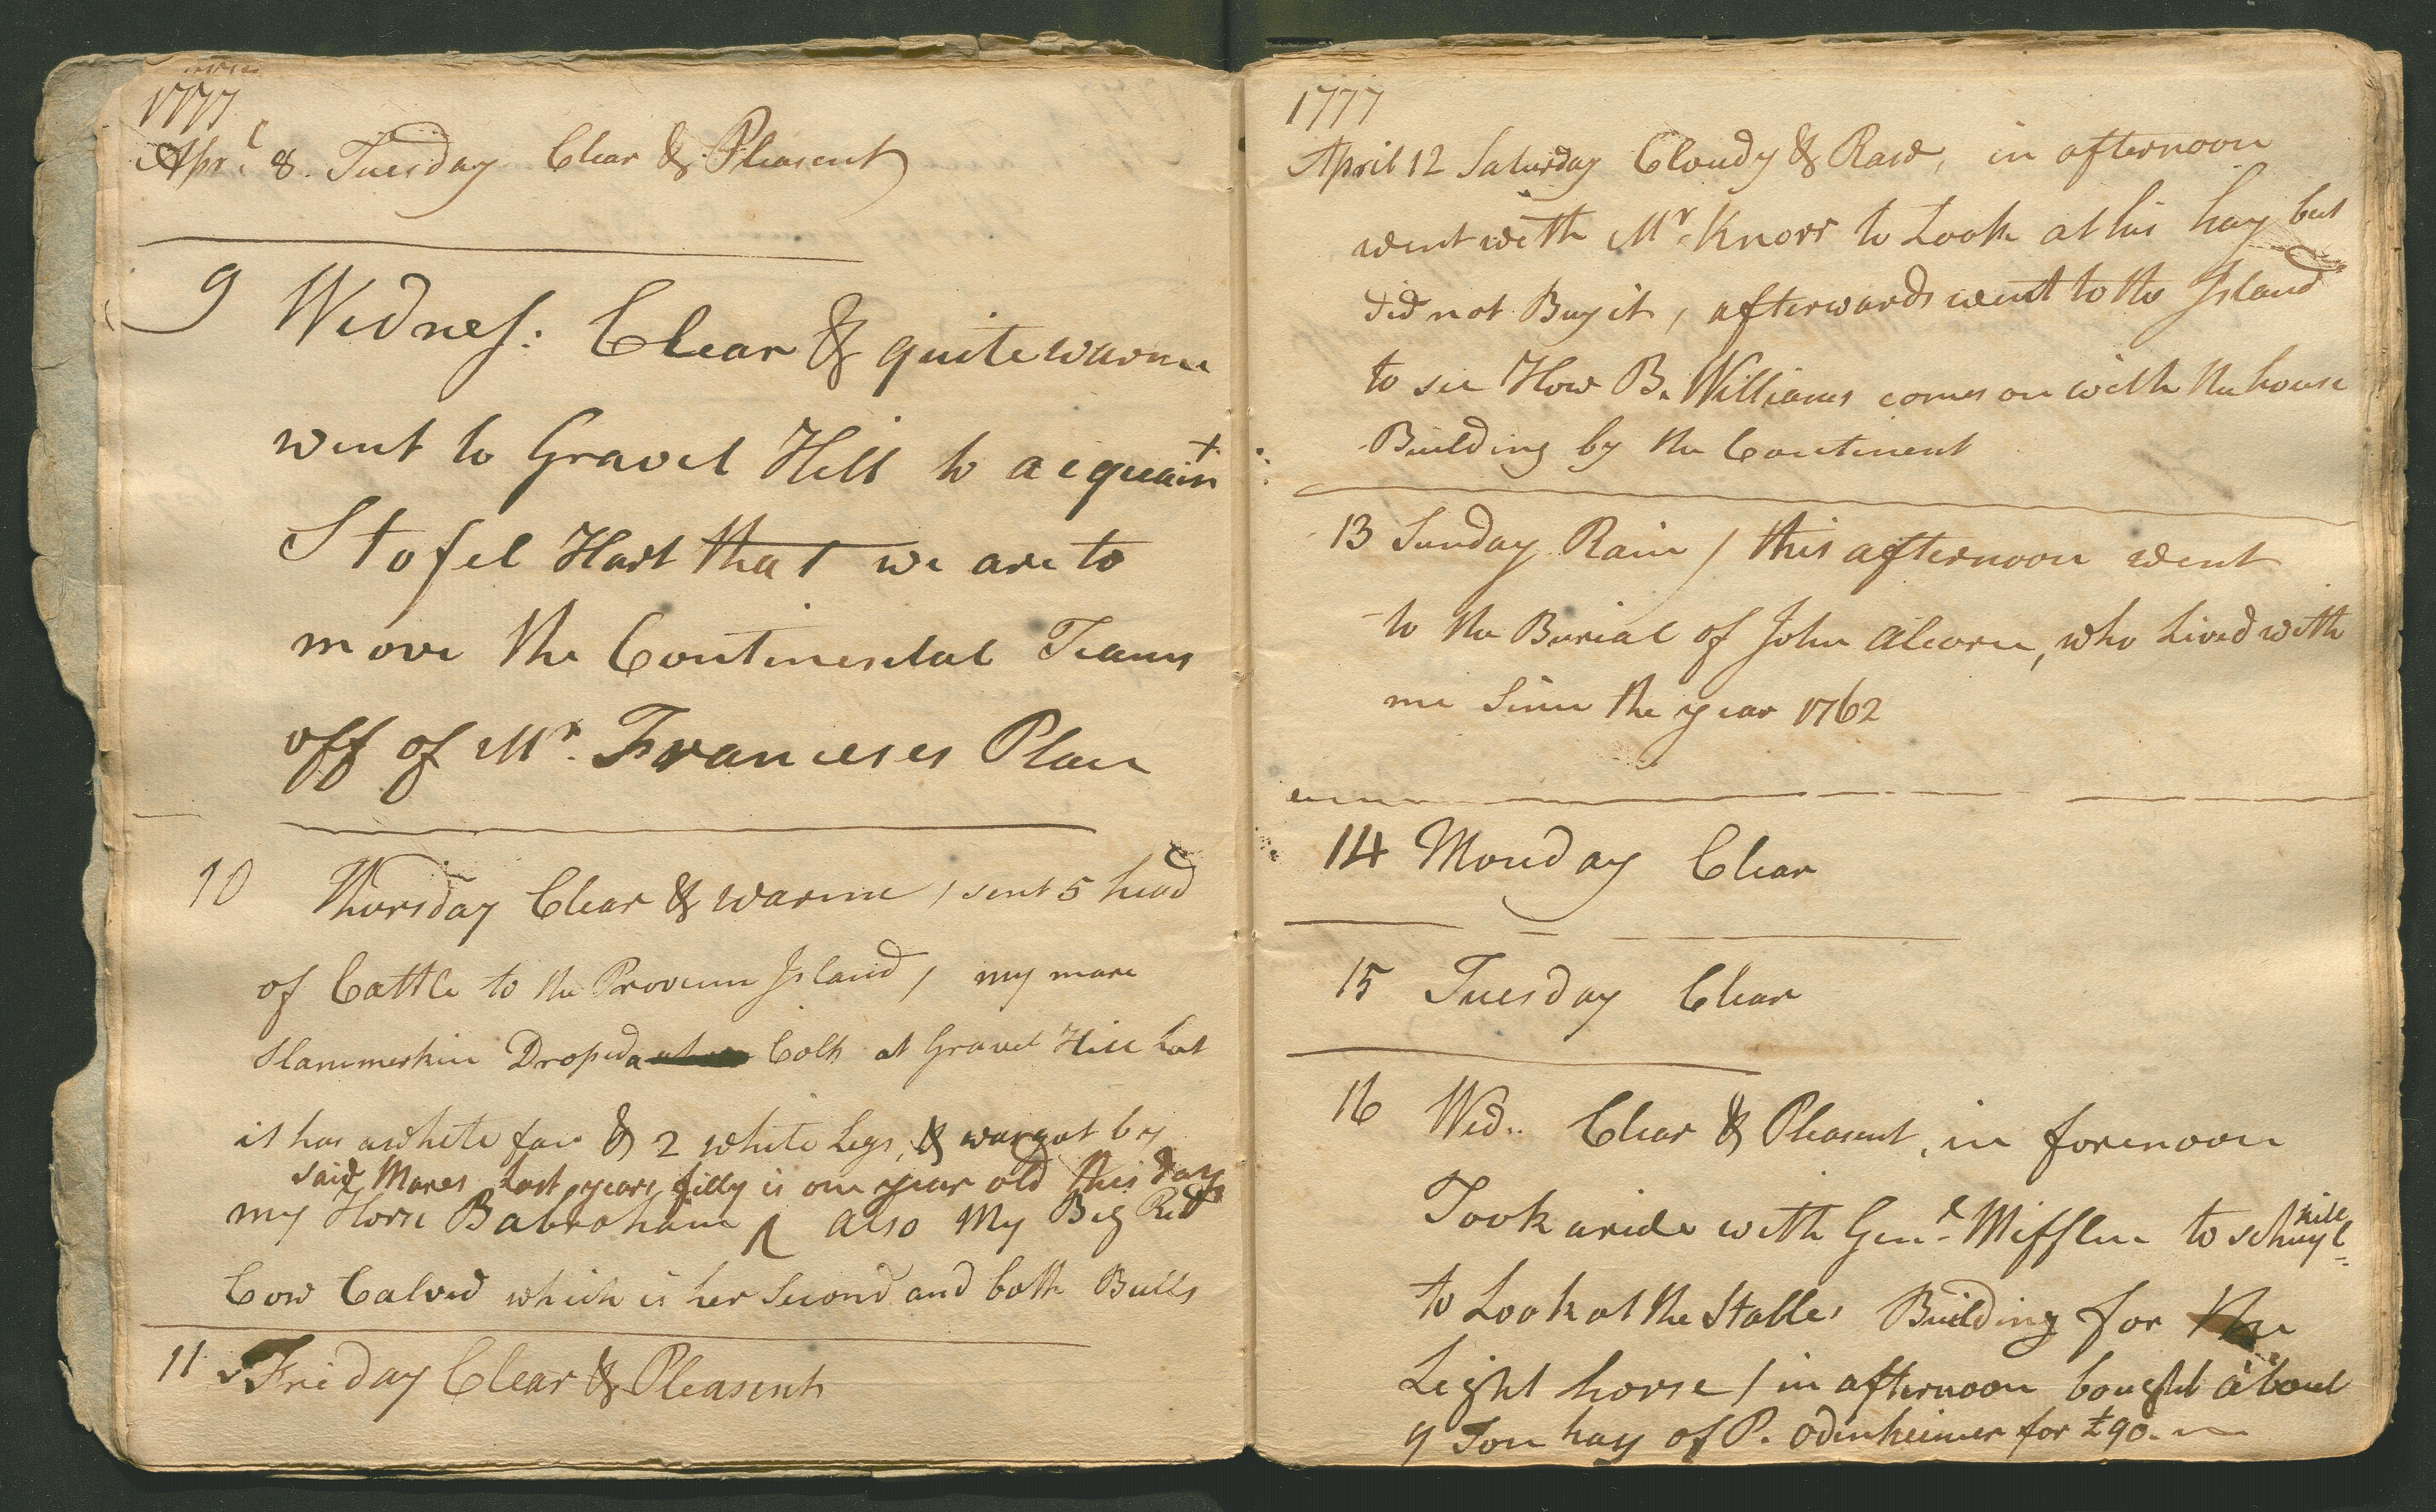1777
Apr^l. 8. Tuesday Clear & Pleasent
9 Wednes: Clear & quite warme
went to Gravel Hill to a acquain^t
Stofel Hart that we are to
move the Continental Teams
off of M^r. Franceses Place
10 Thursday Clear & warme, sent 5 head
of Cattle to the Provence Island, my mare
Slammerkin Droped a [____] Colt at Gravel Hill Lot
it has a white face & 2 white Legs & was got by
saig Mares Last years filly is one year old this day
my Horse Babraham ^ Also My Big Red
Cow Calved which is her second and both Bulls
11 Friday Clear & Pleasent
1777
April 12 Saturday Cloudy & Raw, in afternoon
went with M^r. Knorr to Look at his hay but
did not Buy it, afterwards went to to Island
to see How B. Williams comes on with the house
Building by the Continent
13 Sunday Rain / this afternoon went
to the Burial of John Alcorn, who Lived with
me since the year 1762
14 Monday Clear
15 Tuesday Clear
16 Wed.. Clear & Pleasent, in forenoon
Took a ride with Gen^l. Mifflin to Schuyl-^kill
to Look at the Stables Building for the
Light hoose / in afternoon bought about
9 Ton hay of P. odenheimer for £90.-